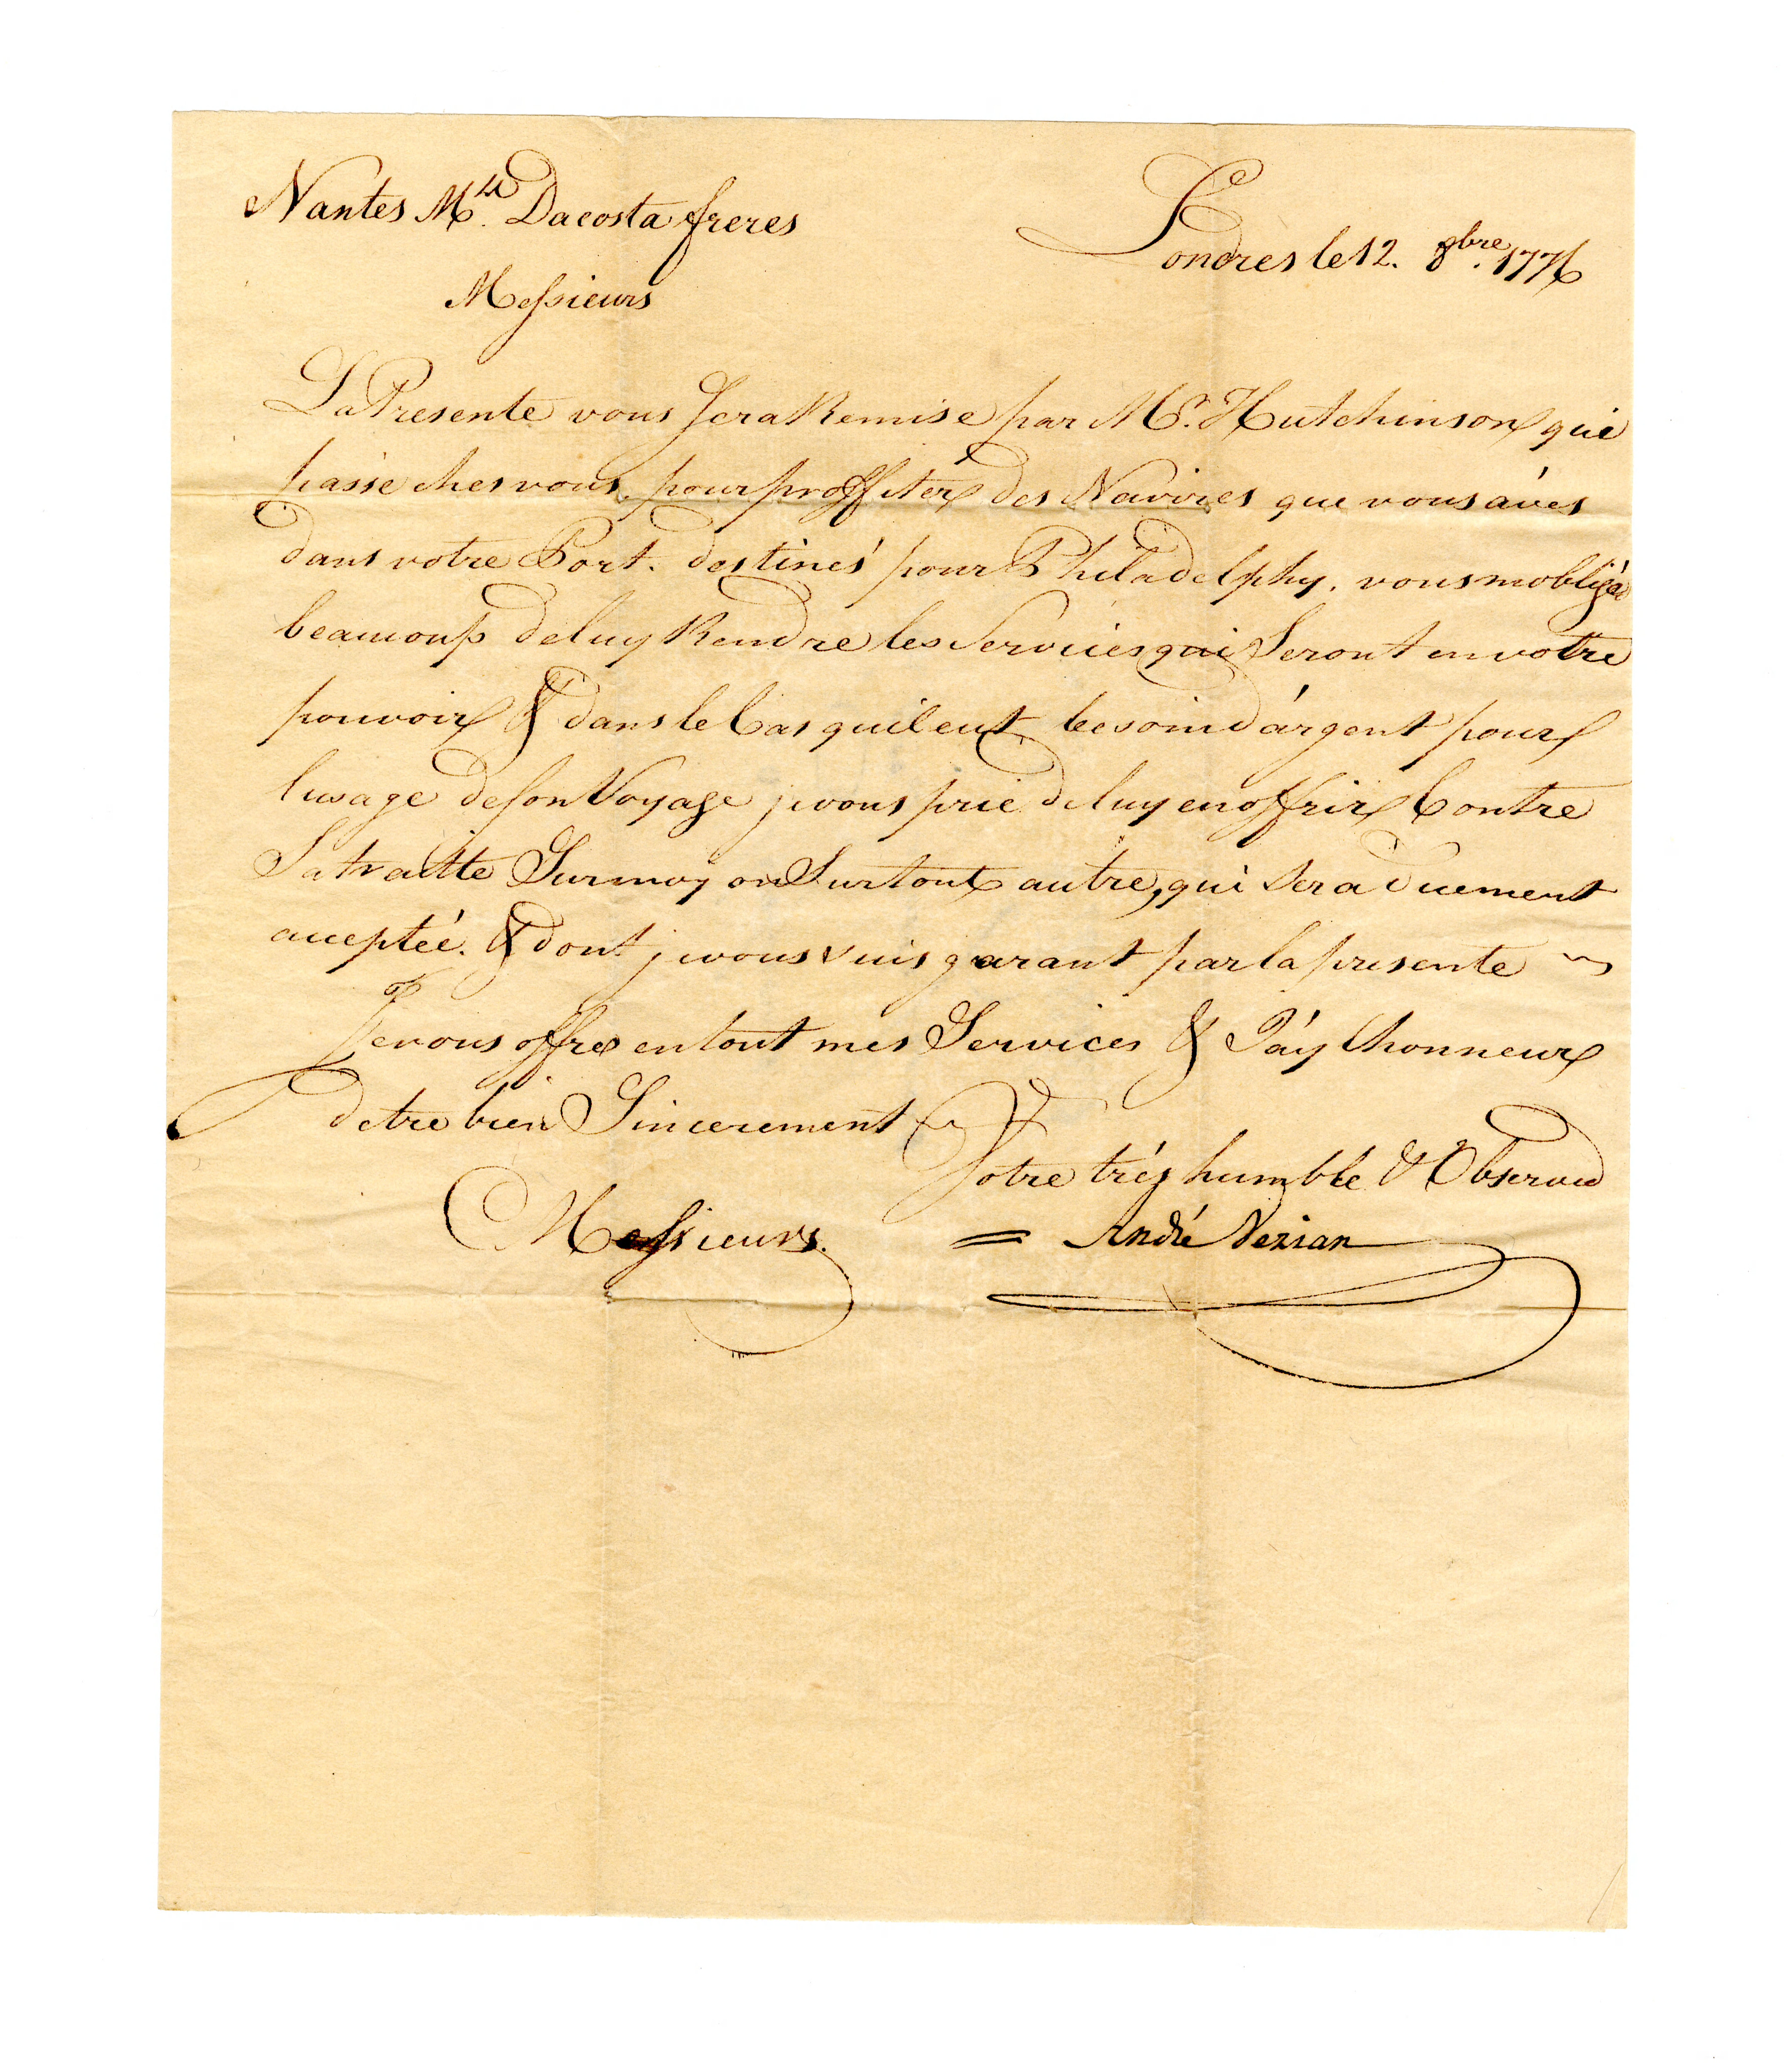Londres le 12. 8^bre. 1776
Nantes M^sr. Dacosta freres
Messieurs
La Presente vous Sera Remise par M^r. Hutchinson qui
liasse chez vous, pour proffiter des Navires que vous aves
dans votre Port. destinés pour Philadelphy. vous mobligé
beaucoup deluy Rendre les Services qui Seront en votre
pouvoir & dans le Cas quileut besoin d'argent pour
lusage de son Voyage je vous prie de luy en offrir Contre
Sa traitte Surmoy on Surtout autre, qui sera duement
acceptée. & dont je vous suis garant par la presente-
Je vous offres en tout mes Services & J'ay honneur
detre bien Sincerement
Votre trés humble & Observee
André Nezian
Messieurs.